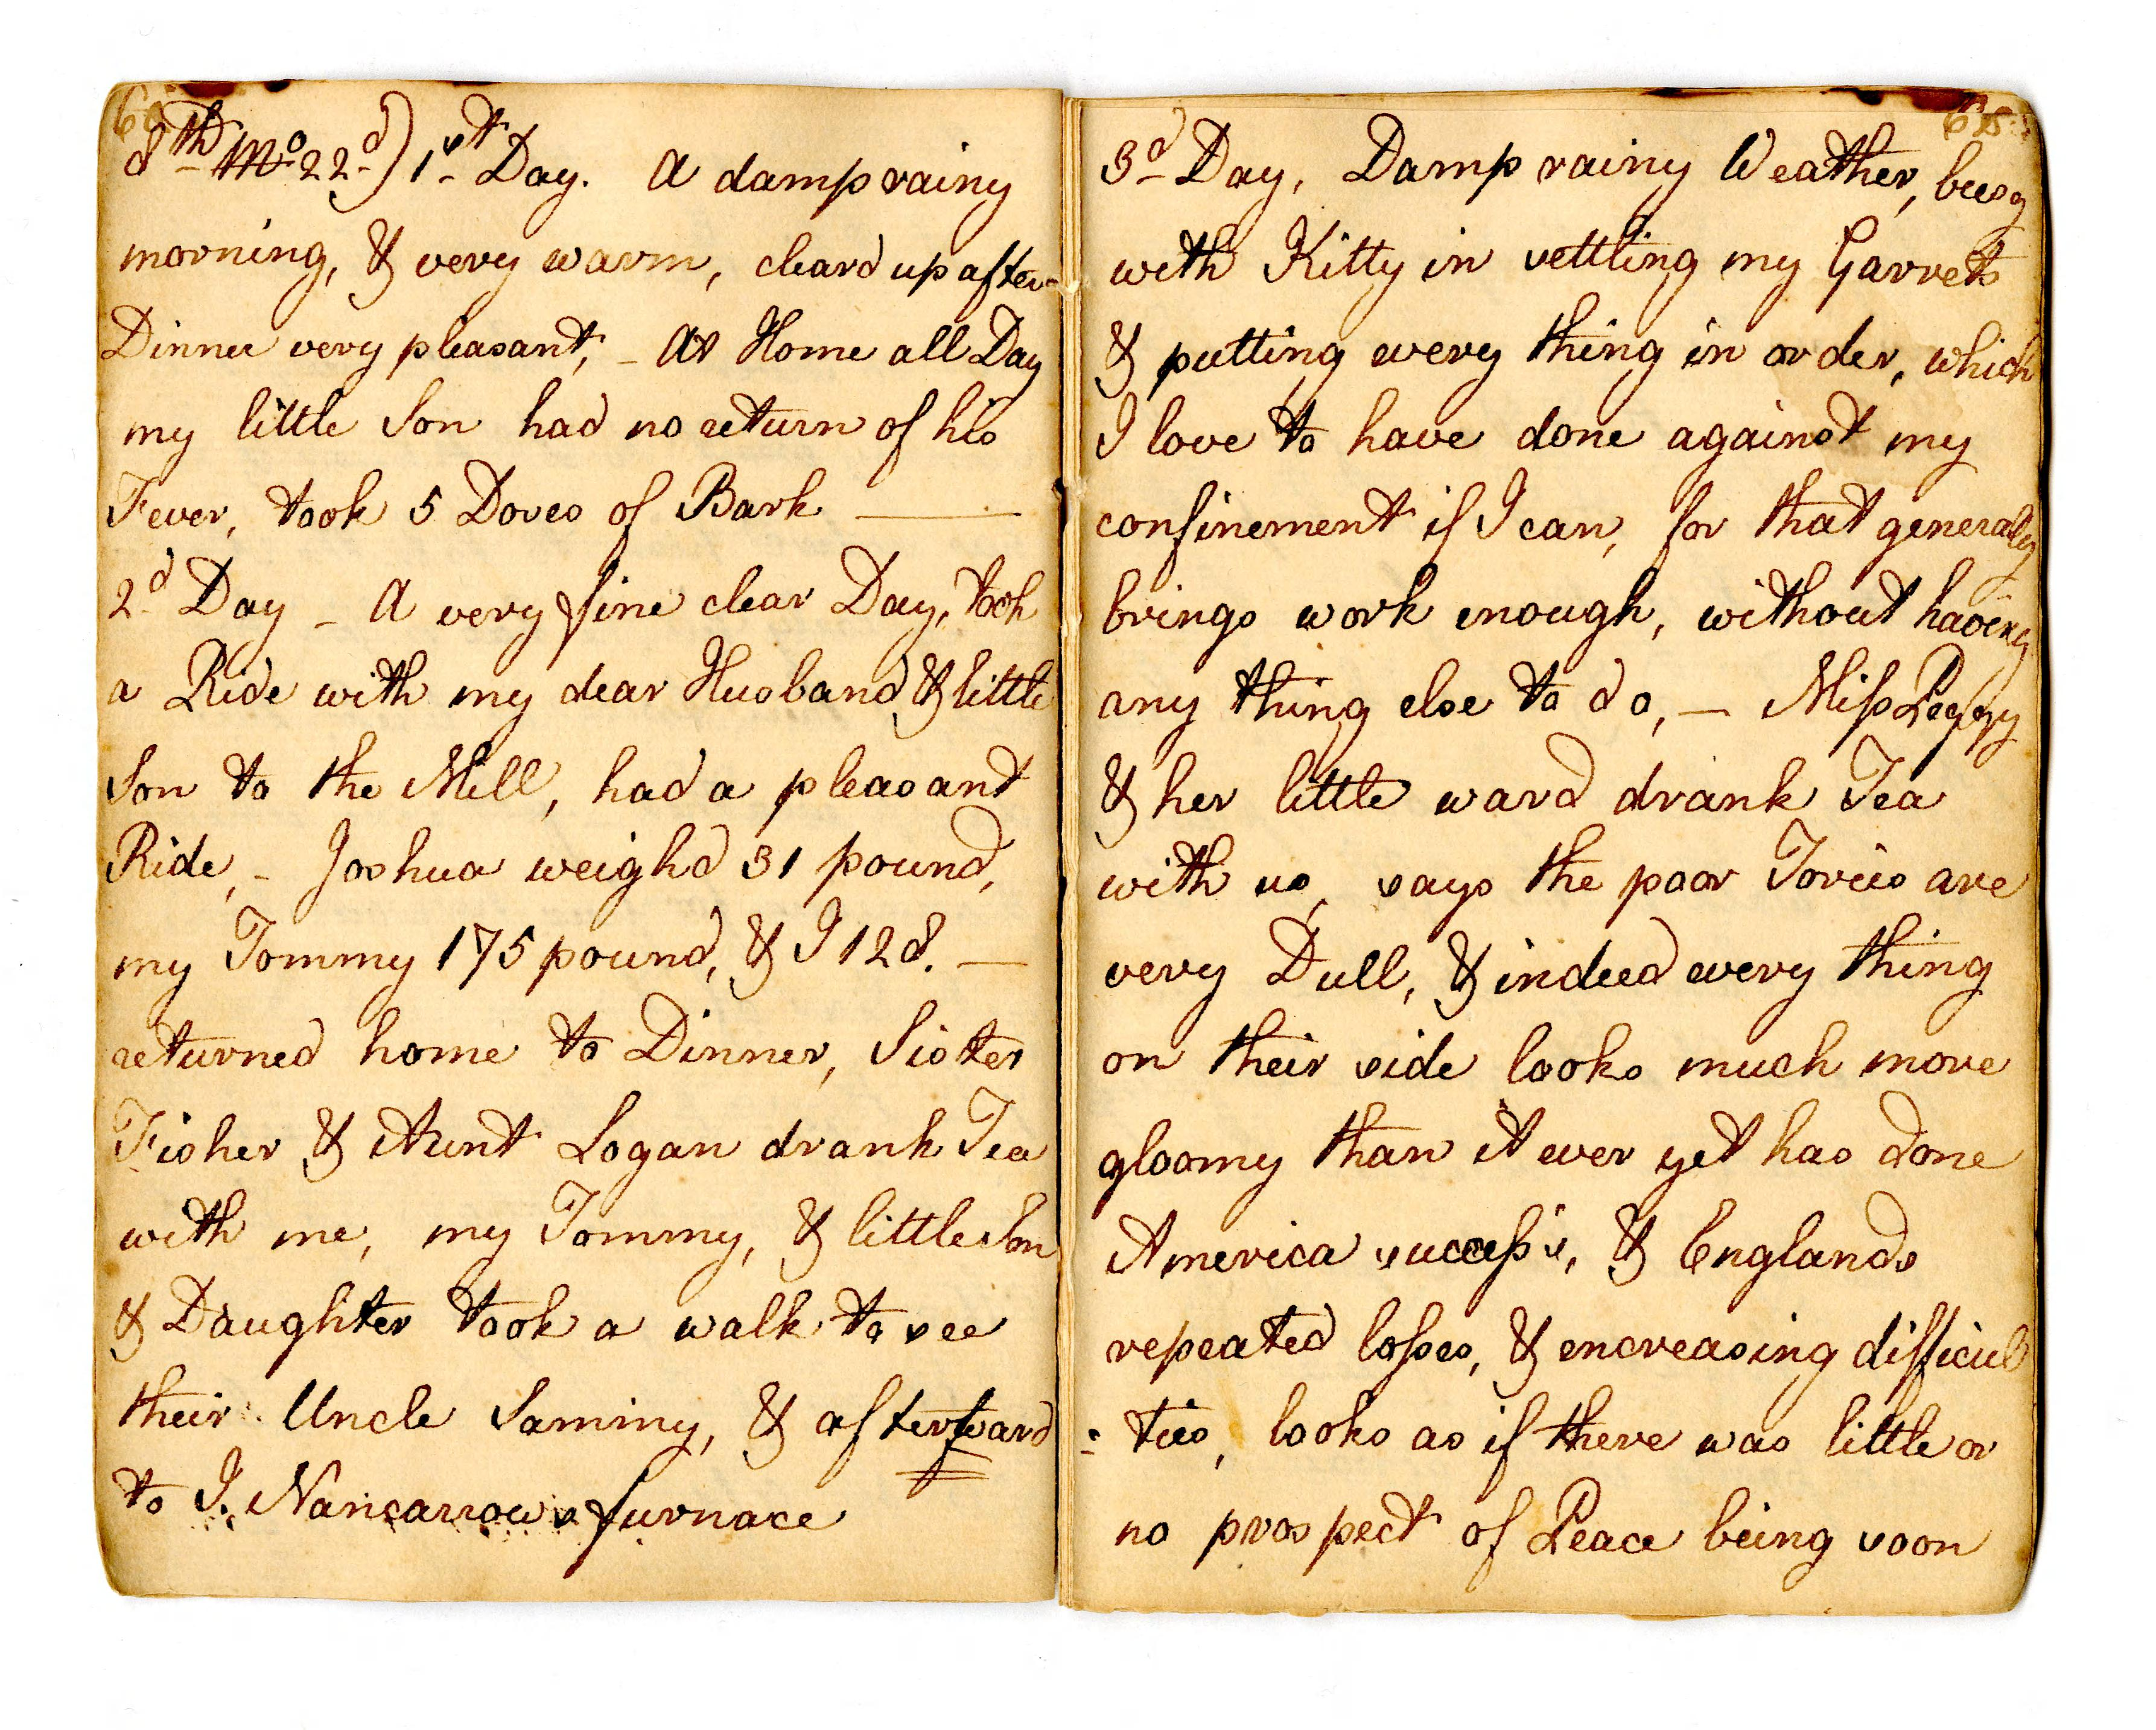60
8^th M^o 22^d) 1^st Day. A damp rainy
morning, & very warm, cleard up after
Dinner very pleasant, At Home all Day
my little Son had no return of his
Fever, took 5 Doses of Bark
2^d Day- A very fine clear Day, took
a Ride with my dear Husband & little
Son to the Mill, had a pleasant
Ride,- Joshua weighd 31 pound,
my Tommy 175 pound, & I 128.-
returned home to Dinner, Sister
Fisher & Aunt Logan drank Tea
with me, my Tommy, & little Son
& Daughter took a walk to see
their Uncle Sammy, & afterward
to I. Nancarrow s furnace
61
3^d Day, Damp rainy Weather, busy
with Kitty in settling my Garrets
& putting every thing in order, which
I love to have done against my
confinement if I can, for that generally
brings work enough, without having
any thing else to do,- Miss Peggy
& her little ward drank Tea
with us, says the poor Tories are
very Dull, & indeed every thing
on their side looks much more
gloomy than it ever yet has done
America success's, & Englands
repeated losses, & encreasing difficul
-ties, looks as if there was little or
no prospect of Peace being soon